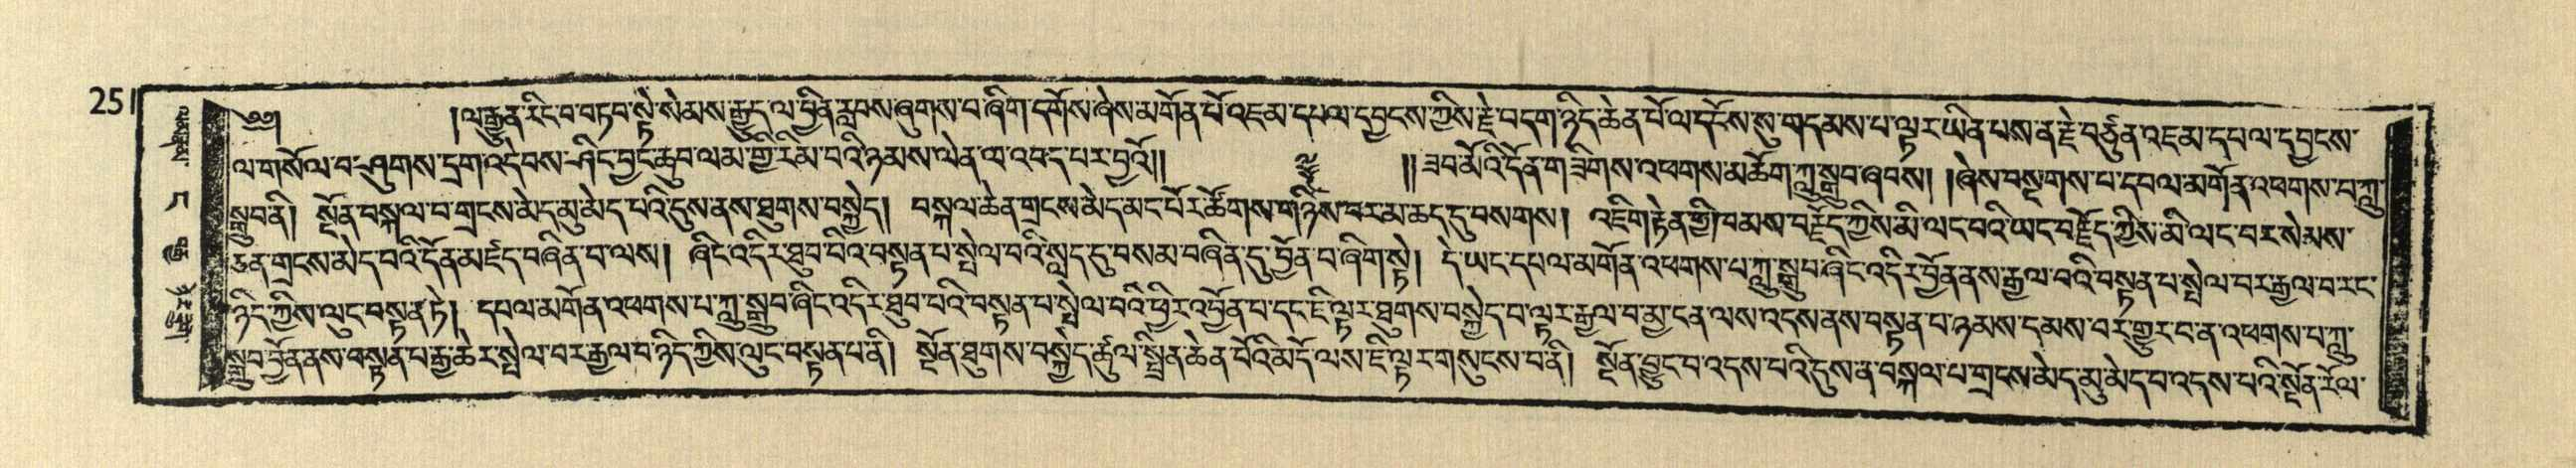༄༅། །ལ་རྒྱུན་རིང་བ་བཏབ་སྟེ་སེམས་རྒྱུད་ལ་བྱིན་རླབས་ཞུགས་བ་ཞིག་དགོས་ཞེས་མགོན་པོ་འཇམ་དཔལ་དབྱངས་ཀྱིས་རྗེ་བདག་ཉིད་ཆེན་པོ་ལ་དངོས་སུ་གདམས་པ་ལྟར་ཡིན་པས་ན་རྗེ་བཙུན་འཇམ་དཔལ་དབྱངས་
ལ་གསོལ་བ་ཤུགས་དྲག་འདེབས་ཤིང་བྱང་ཆུབ་ལམ་གྱི་རིམ་བའི་ཉམས་ལེན་ལ་འབད་པར་བྱའོ།། ༈ །།ཟབ་མོའི་དོན་གཟིགས་འཕགས་མཆོག་ཀླུ་སྒྲུབ་ཞབས། །ཞེས་བསྔགས་པ་དཔལ་མགོན་འཕགས་བ་ཀླུ་
སྒྲུབ་ནི། སྔོན་བསྐལ་བ་གྲངས་མེད་མུ་མེད་པའི་དུས་ནས་ཐུགས་བསྐྱེད། བསྐལ་ཆེན་གྲངས་མེད་མང་པོར་ཚོགས་གཉིས་བར་མ་ཆད་དུ་བསགས། འཇིག་རྟེན་གྱི་ཁམས་བརྗོད་ཀྱིས་མི་ལང་བའི་ཡང་བརྗོད་ཀྱིས་མི་ལང་བར་སེམས་
ཅན་གྲངས་མེད་བའི་དོན་མཛད་བཞིན་བས་ལས། ཞིང་འདིར་ཐུབ་པའི་བསྟན་པ་སྤེལ་བའི་སླད་དུ་བསམ་བཞིན་དུ་བྱོན་བ་ཞིག་སྟེ། དེ་ཡང་དཔལ་མགོན་འཕགས་པ་ཀླུ་སྒྲུབ་ཞིང་འདིར་བྱོན་ནས་རྒྱལ་བའི་བསྟན་པ་སྤེལ་བར་རྒྱལ་བ་རང་
ཉིད་ཀྱིས་ལུང་བསྟན་ཏེ། དཔལ་མགོན་འཕགས་པ་ཀླུ་སྒྲུབ་ཞིང་འདིར་ཐུབ་པའི་བསྟན་པ་སྤེལ་བའི་ཕྱིར་འབྱོན་པ་དང་ཇི་ལྟར་ཐུགས་བསྐྱེད་པ་ལྟར་རྒྱལ་བ་མྱ་ངན་ལས་འདས་ནས་བསྟན་པ་ཉམས་དམས་བར་གྱུར་བ་ན་འཕགས་པ་ཀླུ་
སྒྲུབ་བྱོན་ནས་བསྟན་པ་རྒྱ་ཆེར་སྤེལ་བར་རྒྱལ་བ་ཉིད་ཀྱིས་ལུང་བསྟན་པ་ནི། སྔོན་ཐུགས་བསྐྱེད་ཚུལ་སྤྲིན་ཆེན་པོའི་མདོ་ལས་ཇི་ལྟར་གསུངས་བ་ནི། སྔོན་བྱུང་བ་འདས་པའི་དུས་ན་བསྐལ་བ་གྲངས་མེད་མུ་མེད་པ་འདས་པའི་སྔོན་རོལ་